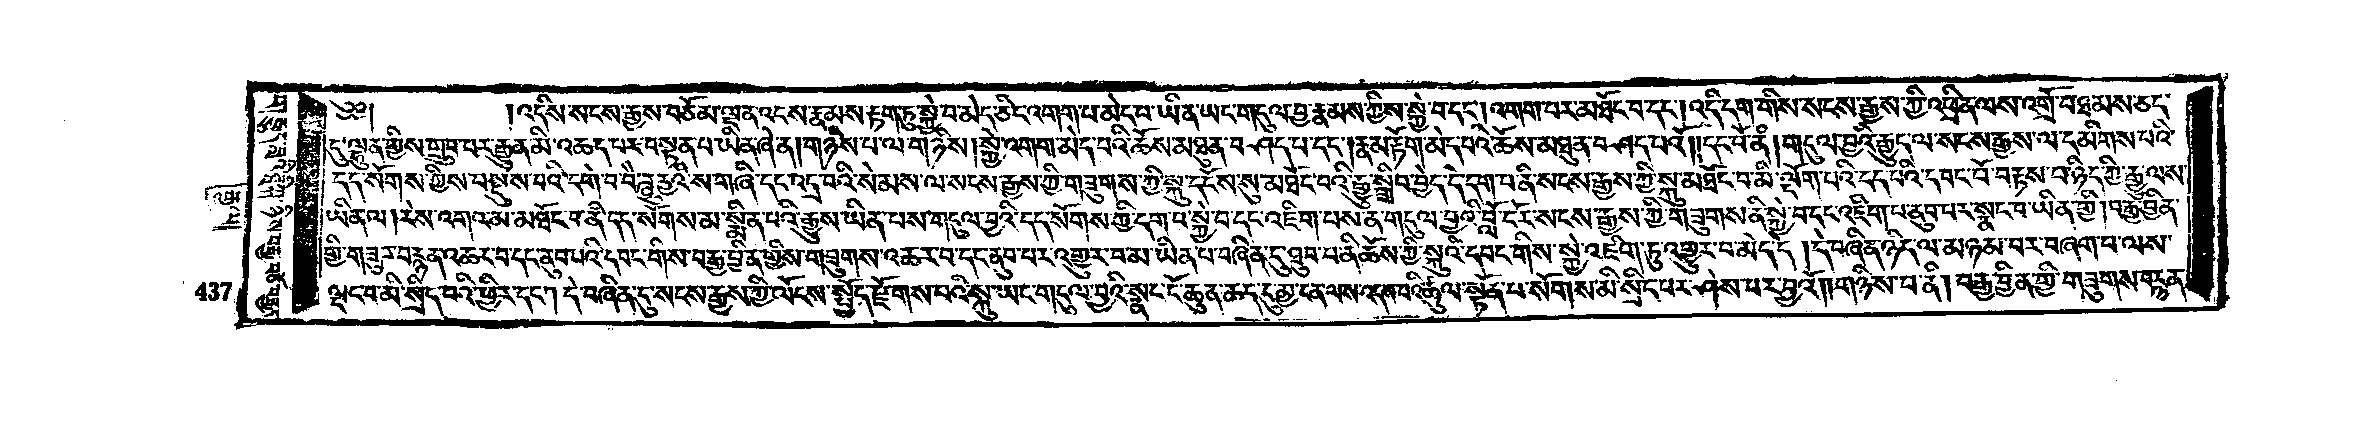༄༅། །འདིས་སངས་རྒྱས་བཅོམ་ལྡན་འདས་རྣམས་རྟག་ཏུ་སྐྱེ་བ་མེད་ཅིང་འགག་པ་མེད་པ་ཡིན་ཡང་གདུལ་བྱ་རྣམས་ཀྱིས་སྐྱེ་བ་དང་། འགག་པར་མཐོང་བ་དང་། འདི་དག་གིས་སངས་རྒྱས་ཀྱི་འཕྲིན་ལས་འགྲོ་བ་ཐམས་ཅད་
དུ་ལྷུན་གྱིས་གྲུབ་པར་རྒྱུན་མི་འཆད་པར་བསྟན་པ་ཡིན་ཞེ་ན། གཉིས་པ་ལ་གཉིས། སྐྱེ་འགག་མེད་པའི་ཆོས་མཐུན་བཤད་པ་དང་། རྣམ་རྟོག་མེད་པའི་ཆོས་མཐུན་བཤད་པའོ། །དང་པོ་ནམ། གདུལ་བྱའི་རྒྱུད་ལ་སངས་རྒྱས་ལ་དམིགས་པའི་
དད་སོགས་ཀྱིས་བསྡུས་པའི་དགེ་བ་བཻ་ཌཱུ་རྱའི་ས་གཞི་དང་འདྲ་བའི་སེམས་ལ་སངས་རྒྱས་ཀྱི་གཟུགས་ཀྱི་སྐུ་དངོས་སུ་མཐོང་བའི་རྒྱུ་སྒྲིབ་བྱེད་དེ་དག་པ་ནི་སངས་རྒྱས་ཀྱི་སྐུ་མཐོང་བ་མི་ལྡོག་པའི་དད་པའི་དབང་པོ་བརྟས་པ་ཉིད་ཀྱི་རྒྱུ་ལས་
ཡིན་ལ། རེས་འགའ་མ་མཐོང་བ་ནི་དད་སོགས་མ་སྨིན་པའི་རྒྱུས་ཡིན་པས་གདུལ་བྱའི་དད་སོགས་ཀྱི་དགའ་སྐྱེ་བ་དང་འཇིག་པས་ན་གདུལ་བྱའི་བློ་ངོར་སངས་རྒྱས་ཀྱི་གཟུགས་ནི་སྐྱེ་བ་དང་འཇིག་པ་ནུབ་པར་སྣང་བ་ཡིན་གྱི། བརྒྱ་བྱིན་
གྱི་གཟུགས་བརྙན་འཆར་བ་དང་ནུབ་པའི་དབང་གིས་བརྒྱ་བྱིན་གྱིས་གཟུགས་འཆར་བ་དང་ནུབ་པར་འགྱུར་བ་མ་ཡིན་པ་བཞིན་དུ་ཐུབ་པ་ནི་ཆོས་ཀྱི་སྐུའི་དབང་གིས་འཇིག་ཏུ་འགྱུར་བ་མེད་དེ་།དེ་བཞིན་ཉིད་ལ་མཉམ་བར་བཞག་པ་ལས་
ལྡང་བ་མི་སྲིད་པའི་ཕྱིར་དང་། དེ་བཞིན་དུ་སངས་རྒྱས་ཀྱི་ལོངས་སྤྱོད་རྫོགས་པའི་སྐུ་ཡང་གདུལ་བྱའི་སྣང་ངོ་ཆུན་ཆད་དུ་མྱ་ངན་ལས་འདས་པའི་ཚུལ་སྟོན་པ་སོགས་མི་སྲིད་པར་ཤེས་པར་བྱའོ། །གཉིས་པ་ནི། བརྒྱ་བྱིན་གྱི་གཟུགས་བརྙན་